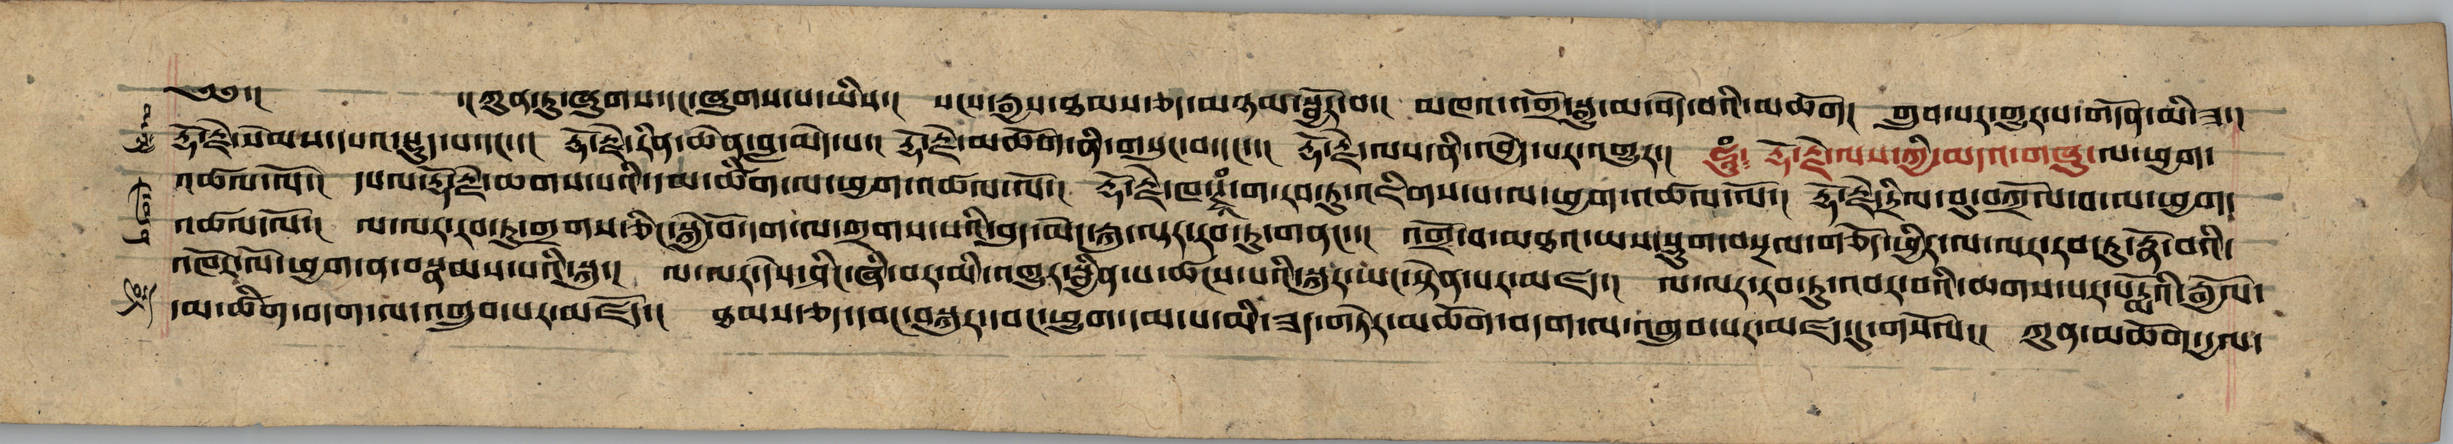༄༅་། ་།ཀུན་ཏུ་ཞུགས་དང་ཞུགས་པ་ཡིས་། སངས་རྒྱས་ཐམས་ཅད་མཉམ་སྦྱོར་བ་། མཁའ་འགྲོ་སྒྱུ་མ་བདེ་བའི་མཆོག། གྲུབ་པར་གྱུར་པ་གདོན་མི་ཟ་།
རྡོ་རྗེ་སེམས་དཔའ་སྡུད་པ་དང་་། རྡོ་རྗེ་རིན་ཆེན་བླ་མེད་པ་། རྡོ་རྗེ་མཆོག་ནི་གསུང་བ་དང་་། རྡོ་རྗེ་ལས་ནི་འབྱེད་པར་འགྱུར་། ཧཱུཾ༴ རྡོ་རྗེ་ལས་ཀྱི་མདའ་གཞུ་ལ་ཕྱག་
འཚལ་ལོ་། དཔལ་རྡོ་རྗེ་ཆགས་པའི་དམ་ཚིག་ལ་ཕྱག་འཚལ་ལོ་། རྡོ་རྗེ་ཁ་ཊྭཱཾ་ག་རབ་ཏུ་འཇིགས་པ་ལ་ཕྱག་འཚལ་ལོ་། རྡོ་རྗེ་དྲིལ་བུ་བཀྲོལ་བ་ལ་ཕྱག་
འཚལ་ལོ་། ལ་ལར་རབ་ཏུ་གྲགས་ཅིང་སྐྱེ་བོ་དག་ལ་གྲགས་པའི་བུད་མེད་རྐུ་ལྟར་རབ་ཏུ་གནང་་། འགྲོ་བ་མཐའ་ཡས་སྡུག་བསྔལ་གཅོད་ཕྱིར་ལ་ལར་རབ་ཏུ་རྣོ་བའི་
འཁོར་ལོ་ཕྱག་ན་བསྣམས་པའི་སྐུ་། ལ་ལར་དེས་ཤིང་ཞི་བར་མི་འགྱུར་སྦྱིན་པ་ཚངས་པའི་སྐུར་ཡང་སྟེན་པར་མཛད་། ལ་ལར་རབ་ཏུ་འབར་བའི་ཆགས་པར་པདྨོའི་རྒྱལོ་
དམ་ཚིག་བདག་ལ་འགྲུབ་པར་མཛོད་། ཐམས་ཅད་དབང་བསྐུར་དབང་ཕྱུག་དམ་པ་མི་ཟད་གཏེར་མཆོག་བདག་ལ་འགྲུབ་པར་མཛད་དུ་གསོལ་། ཀུན་མཆོག་དྱལ་